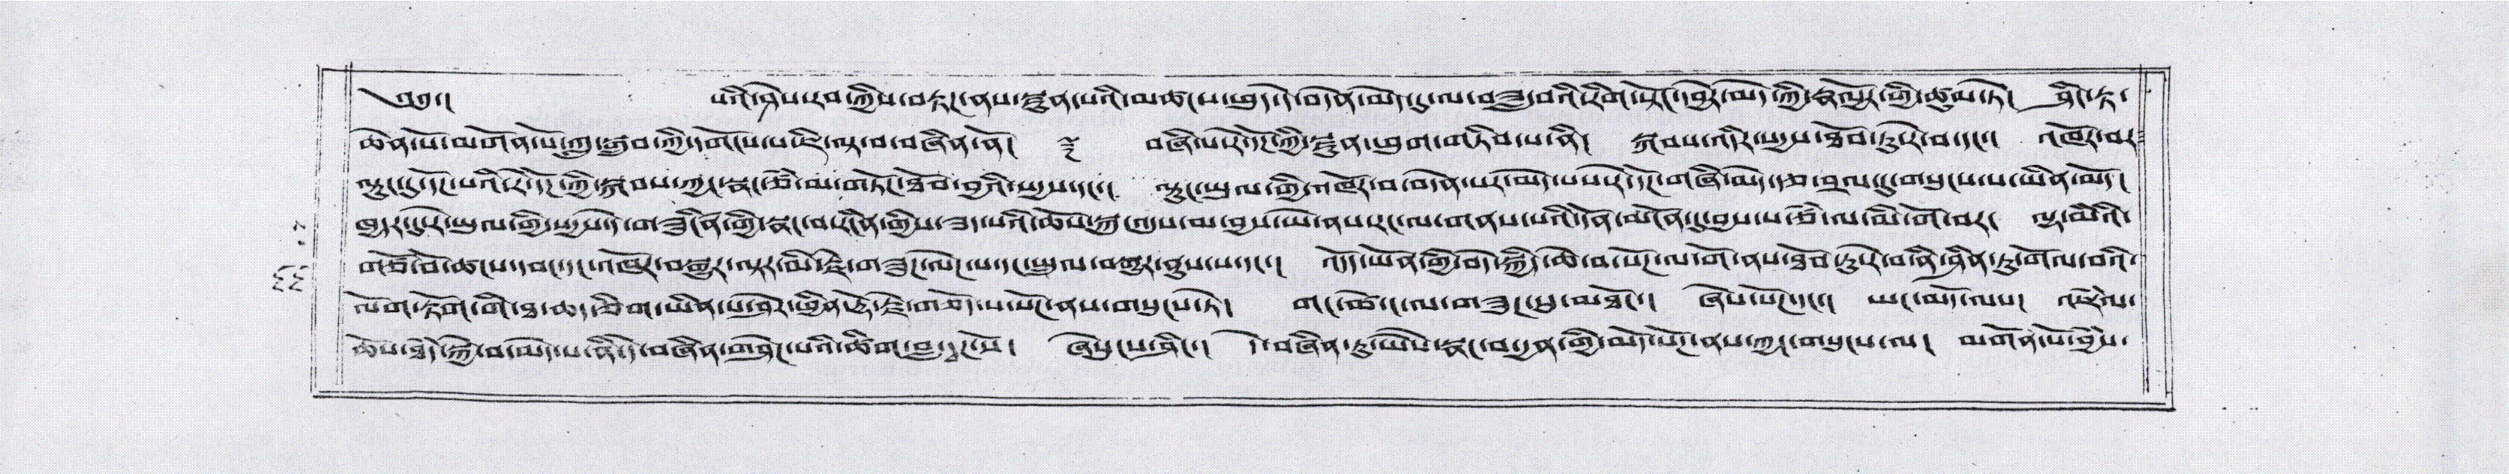པའི་ཤེས་རབ་ཀྱིས་བརྟགས་ནས་རྫུན་པའི་མཚངས་ཕུད་དེ་བདེན་མེད་དུ་ལ་བཟླ་བའི་རིག་སྟོང་དབྱེར་མེད་ཀྱི་རྣལ་འབྱོར་གྱི་ཚུལ་ཏེ། ཤིང་རྟ་
ཆེན་པོ་མགོན་པོ་ཀླུ་སྒྲུབ་ཀྱི་དགོངས་པ་ཇི་ལྟ་བ་བཞིན་ནོ། ༑ བཞིལ་རེ་དོགས་ཀྱི་རྫུན་ཕུག་གཏིབ་པ་ནི། སྐབས་འདིར་སངས་རྒྱས་ཐོབ་ཏུ་རེ་བ་དང། འཁོར་བར་
ལྟུང་དུ་དོགས་པའི་རེ་དོགས་ཀྱི་སྐབས་ཀྱང་སྣང་ཙམ་མ་གཏོགས་ཐོབ་བྱའི་སངས་རྒྱས་དང། ལྟུང་ཡུལ་གྱི་འཁོར་བ་བདེན་པར་མེད་པས་རེ་དོགས་གཞི་མེད་རྩ་བྲལ་དུ་གསུངས་པ་ཡིན་མོད། 
ཁྱད་པར་དུ་རེ་ཡུལ་གྱི་སངས་རྒྱས་དེ་གཟུང་འཛིན་གྱི་སྣང་བ་རང་བཞིན་གྱིས་ཟད་པའི་ཆོས་སྐུ་འདུས་མ་བྱས་ཡེ་ནས་རང་ལ་གནས་པའི་དོན་མངོན་དུ་བྱས་པ་ཙམ་ལ་མི་གོ་བར། ལྷ་མོའི་
གཙོ་བོ་ཚངས་དབང་དང་འཁོར་བསྒྱུར་ལྟར་མི་རྗེ་གཟུགས་ལེགས་པ་དང་སྤྲུལ་བསྒྱུར་ནུས་པ་དང། འདོད་ཡོན་གྱི་བདེ་སྐྱིད་ཆེ་བ་སོགས་ལ་གོ་ནས་ཐོབ་ཏུ་རེ་བ་ནི་ཤིན་ཏུ་གོལ་བའི་
ལོག་རྟོག་གི་ཐ་ཆད་ཅིག་ཡིན་པ་ཤེར་ཕྱིན་རྡོ་རྗེ་གཅོད་པ་སོགས་ནས་གསུངས་ཏེ། གང་ཚེ་ང་ལ་གཟུགས་སུ་མཐོང། ཞེས་སོགས་དང། ཡང་མདོ་ལས། འཇམ་དཔལ་
ཆོས་ཐམས་ཅད་སྐྱེ་བ་མེད་པ་ནི་དེ་བཞིན་གཤེགས་པའི་ཚིག་བླ་དྭགས་སོ། ཞེས་གསུངས་ཤིང། དེ་བཞིན་ཏུ་ཡེ་ཤེས་སྣང་བ་རྒྱན་གྱི་མདོ་སོགས་ནས་ཀྱང་གསུངས་ལ། མགོན་པོ་བྱམས་